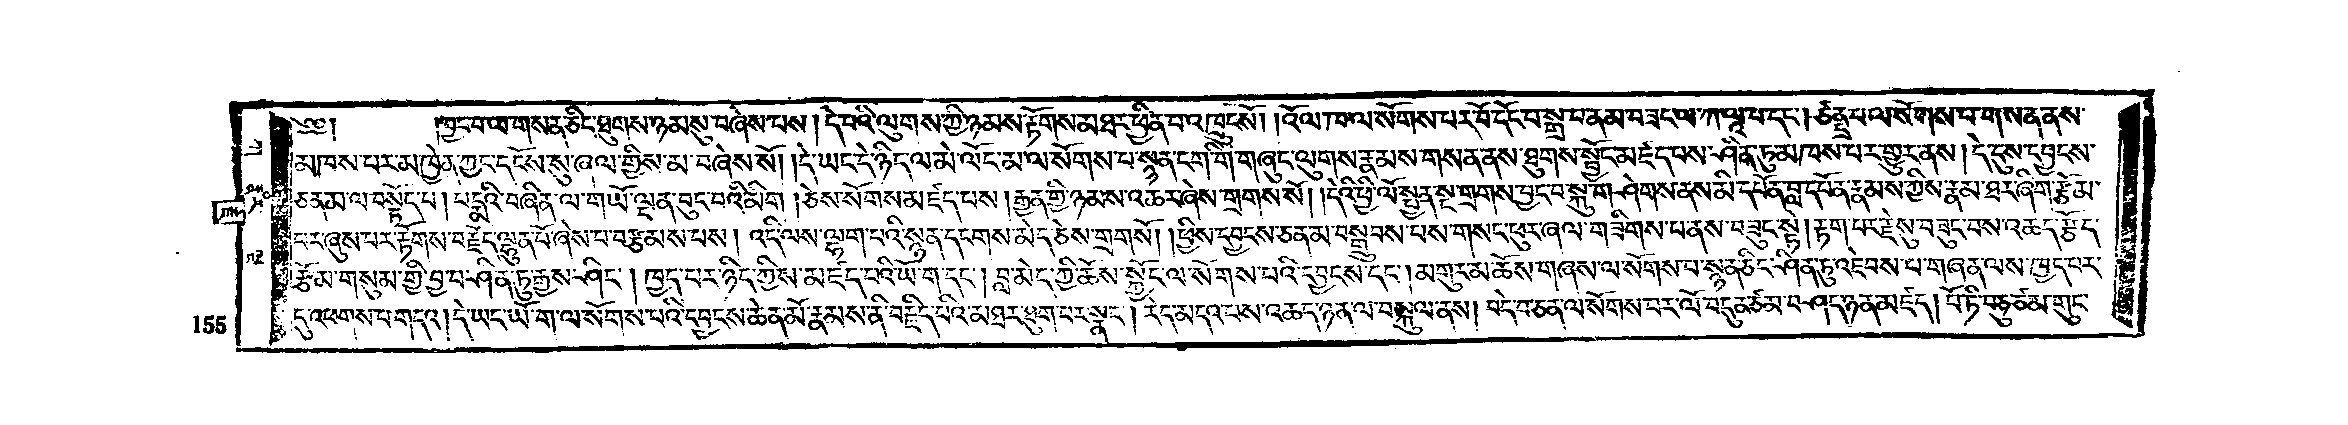༄༅། །བྱང་བ་ལ་གསན་ཅིང་ཐུགས་ཉམས་སུ་བཞེས་པས། དེ་བའི་ལུགས་ཀྱི་ཉམས་རྟོགས་མཐར་ཕྱིན་པ་འཁྲུངས་སོ། །འོལ་ཁ་ལ་སོགས་པར་བོ་དོང་པ་སྒྲ་པ་ནམ་བཟང་ལ་ཀ་ལཱ་པ་དང་། ཙནྡྲ་པ་ལ་སོགས་པ་གསན་ནས་
མཁས་པར་མ་ཁྱེན་ཀྱང་དངོས་སུ་ཞལ་གྱིས་མ་བཞེས་སོ། །དེ་ཡང་དེ་ཉིད་ལ་མེ་ལོང་མ་ལ་སོགས་པ་སྙན་ངག་གི་གཞུང་ལུགས་རྣམས་གསན་ནས་ཐུགས་སྦྱོང་མཛད་པས་ཤིན་ཏུ་མཁས་པར་གྱུར་ནས། དེ་དུས་དབྱངས་
ཅན་མ་ལ་བསྟོད་པ། པདམའི་བཞིན་ལ་གཡོ་ལྡན་བུང་བའི་མིག །ཅེས་སོགས་མཛད་པས་།རྒྱན་གྱི་ཉམས་འཆར་ཞེས་གྲགས་སོ། །དེའི་ཕྱི་ལོ་སྤྱན་སྔ་གྲགས་བྱང་བ་སྐུ་གཤེགས་ནས་མི་དཔོན་བླ་དཔོན་རྣམས་ཀྱིས་རྣམ་ཐར་ཞིག་རྩོམ་
པར་ཞུས་པར་རྟོགས་བརྗོད་ལྷུན་པོ་ཞེས་པ་བརྩམས་པས། འདི་ལས་དང་གས་མེད་ཅེས་གྲགས་སོ། །ཕྱིས་དབྱངས་ཅན་མ་བསྒྲུབས་པས་བསྒྲུབས་པས་གསང་ཕུར་ཞལ་གཟིགས་པ་ནས་བཟུང་སྟེ་།རྟག་པར་རྗེས་སུ་བཟུང་བས་འཆད་རྩོད་
རྩོམ་གསུམ་གྱི་བྱ་བ་ཤིན་ཏུ་རྒྱས་ཤིང་།ཁྱད་པར་ཉིད་ཀྱིས་མཛད་པའི་ཡོ་ག་དང་།བླ་མེད་ཀྱི་ཆོས་སྐྱོང་ལ་སོགས་པའི་དབྱངས་དང་།མགུར་མ་ཆོས་གཞས་ལ་སོགས་པ་སྙན་ཅིང་ཤིན་ཏུ་འཇེབས་པ་གཞན་ལས་ཁྱད་པར་
དུ་འཕགས་པ་གདའ། དེ་ཡང་ཡོ་ག་ལ་སོགས་པའི་དབྱངས་ཆེན་མོ་རྣམས་ནི་བརྗིད་པའི་མཐར་ཐུག་པར་སྣང་། རེད་མདའ་པས་འཆད་ཉན་ལ་བསྐུལ་ནས། བདེ་བ་ཅན་ལ་སོགས་པར་ལོ་བདུན་ཙམ་བཤད་ཉན་མཛད། པོ་ཏི་བཅུ་ཙམ་གུང་